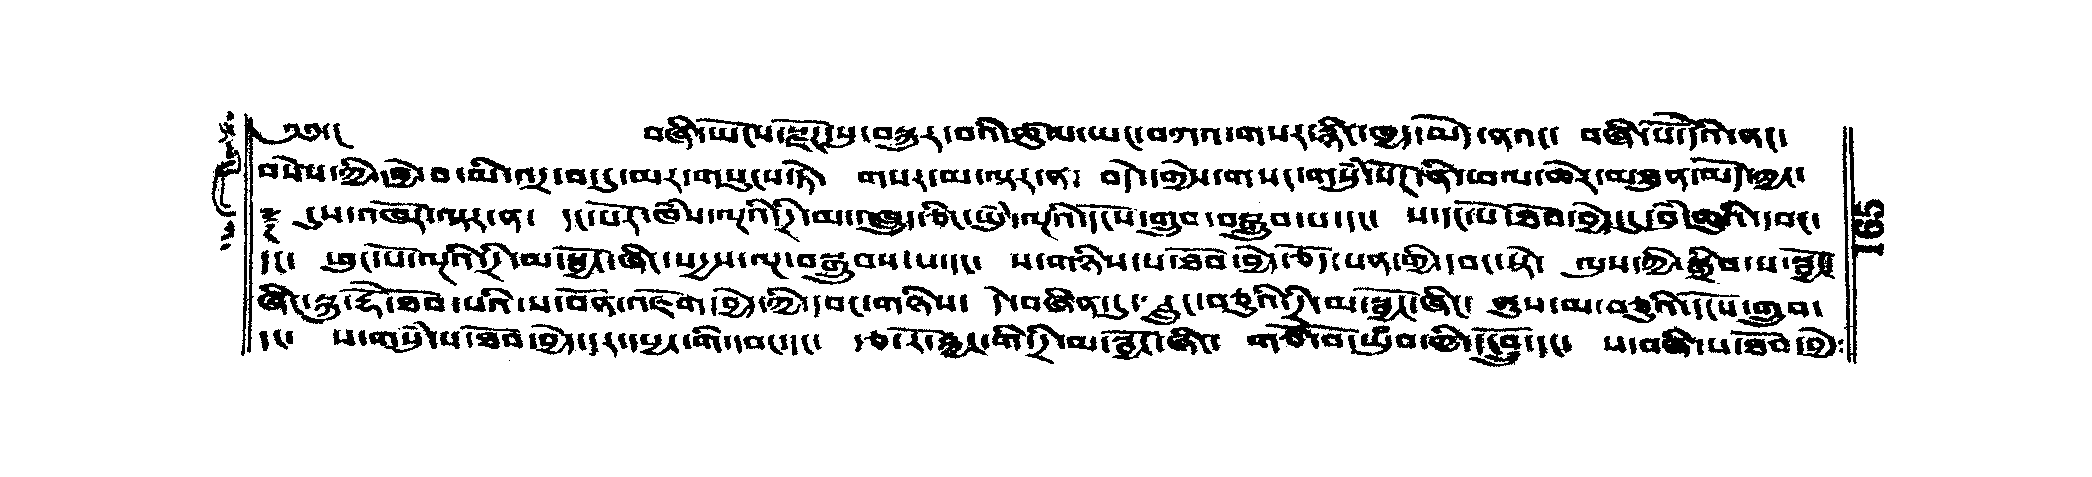བཞི་ཡོངས་རྫོགས་སུ་བསྐུར་བའི་ཚུལ་ཡང་བཀའ་གསར་རྙིང་ཁྱད་མེད་ནའང་། བཞི་པོ་དེའི་ནང་
བསེས་ཀྱི་དབྱེ་བ་མི་འདྲ་བ་དུ་མར་གསུངས་ཏེ། གསར་མ་ལྟར་ན། བདེ་དགྱེས་གསང་གསུམ་སོགས་ནི་ཕལ་ཆེར་མཐུན་མོད་ཀྱང་།
དུས་འཁོར་ལྟར་ན། དང་པོར་ཁམས་ལྔའི་དྲི་མ་འཁྲུད་ཅིང་ཡུམ་ལྔའི་དངོས་གྲུབ་བསྒྲུབ་པ་དང་། ས་དང་པོ་ཐོབ་བྱེད་དུ་བུམ་ཆུའི་དབང་
དང་། ཕུང་པོ་ལྔའི་དྲི་མ་སྦྱོང་ཞིང་སངས་རྒྱས་ལྔ་བསྒྲུབ་པ་དང་། ས་གཉིས་པ་ཐོབ་བྱེད་ཅོད་པན་གྱི་དབང་སྟེ། ལུས་ཀྱི་སྒྲིབ་པ་སྦྱོང་
ཞིང་སྐུ་རྡོ་རྗེ་ཐོབ་པའི་ས་བོན་འཇོག་བྱེད་ཀྱི་དབང་གཉིས། དེ་བཞིན་དུ་རླུང་བཅུའི་དྲི་མ་སྦྱོང་ཞིང་། ནུས་པ་ས་བཅུའི་དངོས་གྲུབ་
དང་། ས་གསུམ་པ་ཐོབ་བྱེད་དར་དཔྱང་གི་དབང་དང་། རྩ་རོ་རྐྱངགི་དྲི་མ་སྦྱོང་ཞིང་། གཙོ་བོ་ཡབ་ཡུམ་གྱི་དངོས་གྲུབ་དང་། ས་བཞི་པ་ཐོབ་བྱེད་